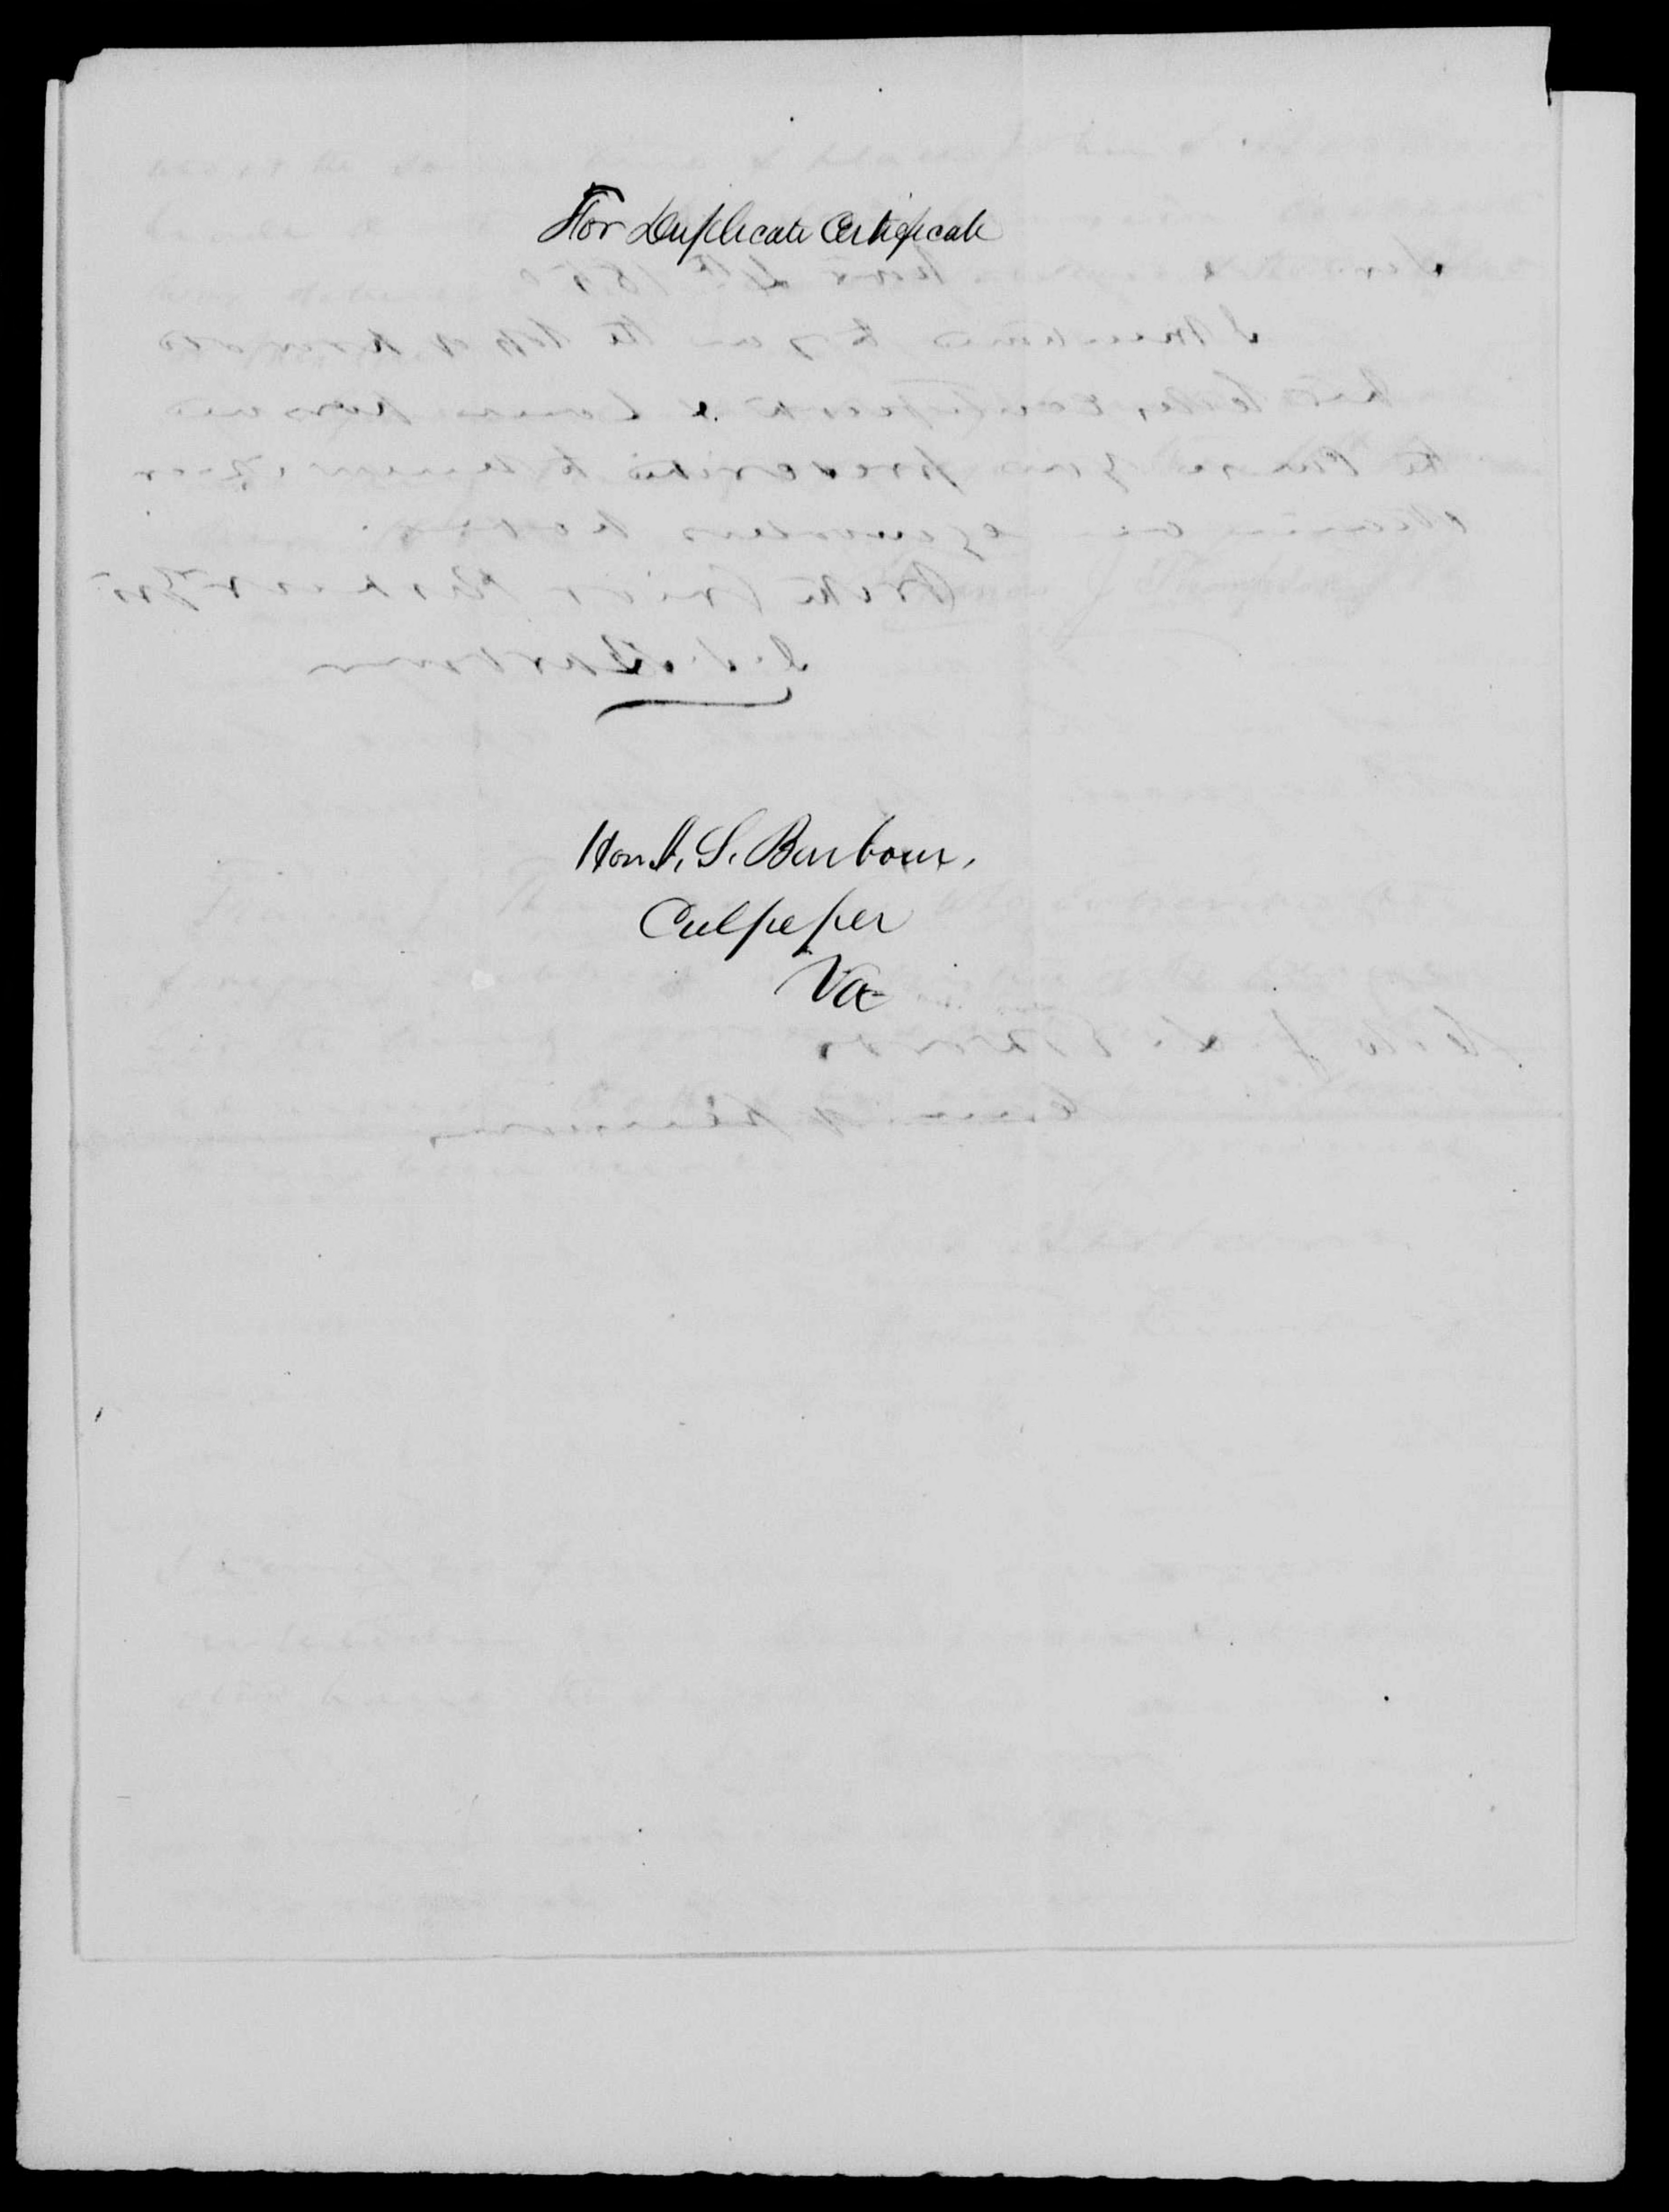For duplicate certificate

Hon J S Barbour
Culpeper
Va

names: J S Barbour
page: 26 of 61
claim: survivor's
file: S. 8236, Daniel Cole, Va.